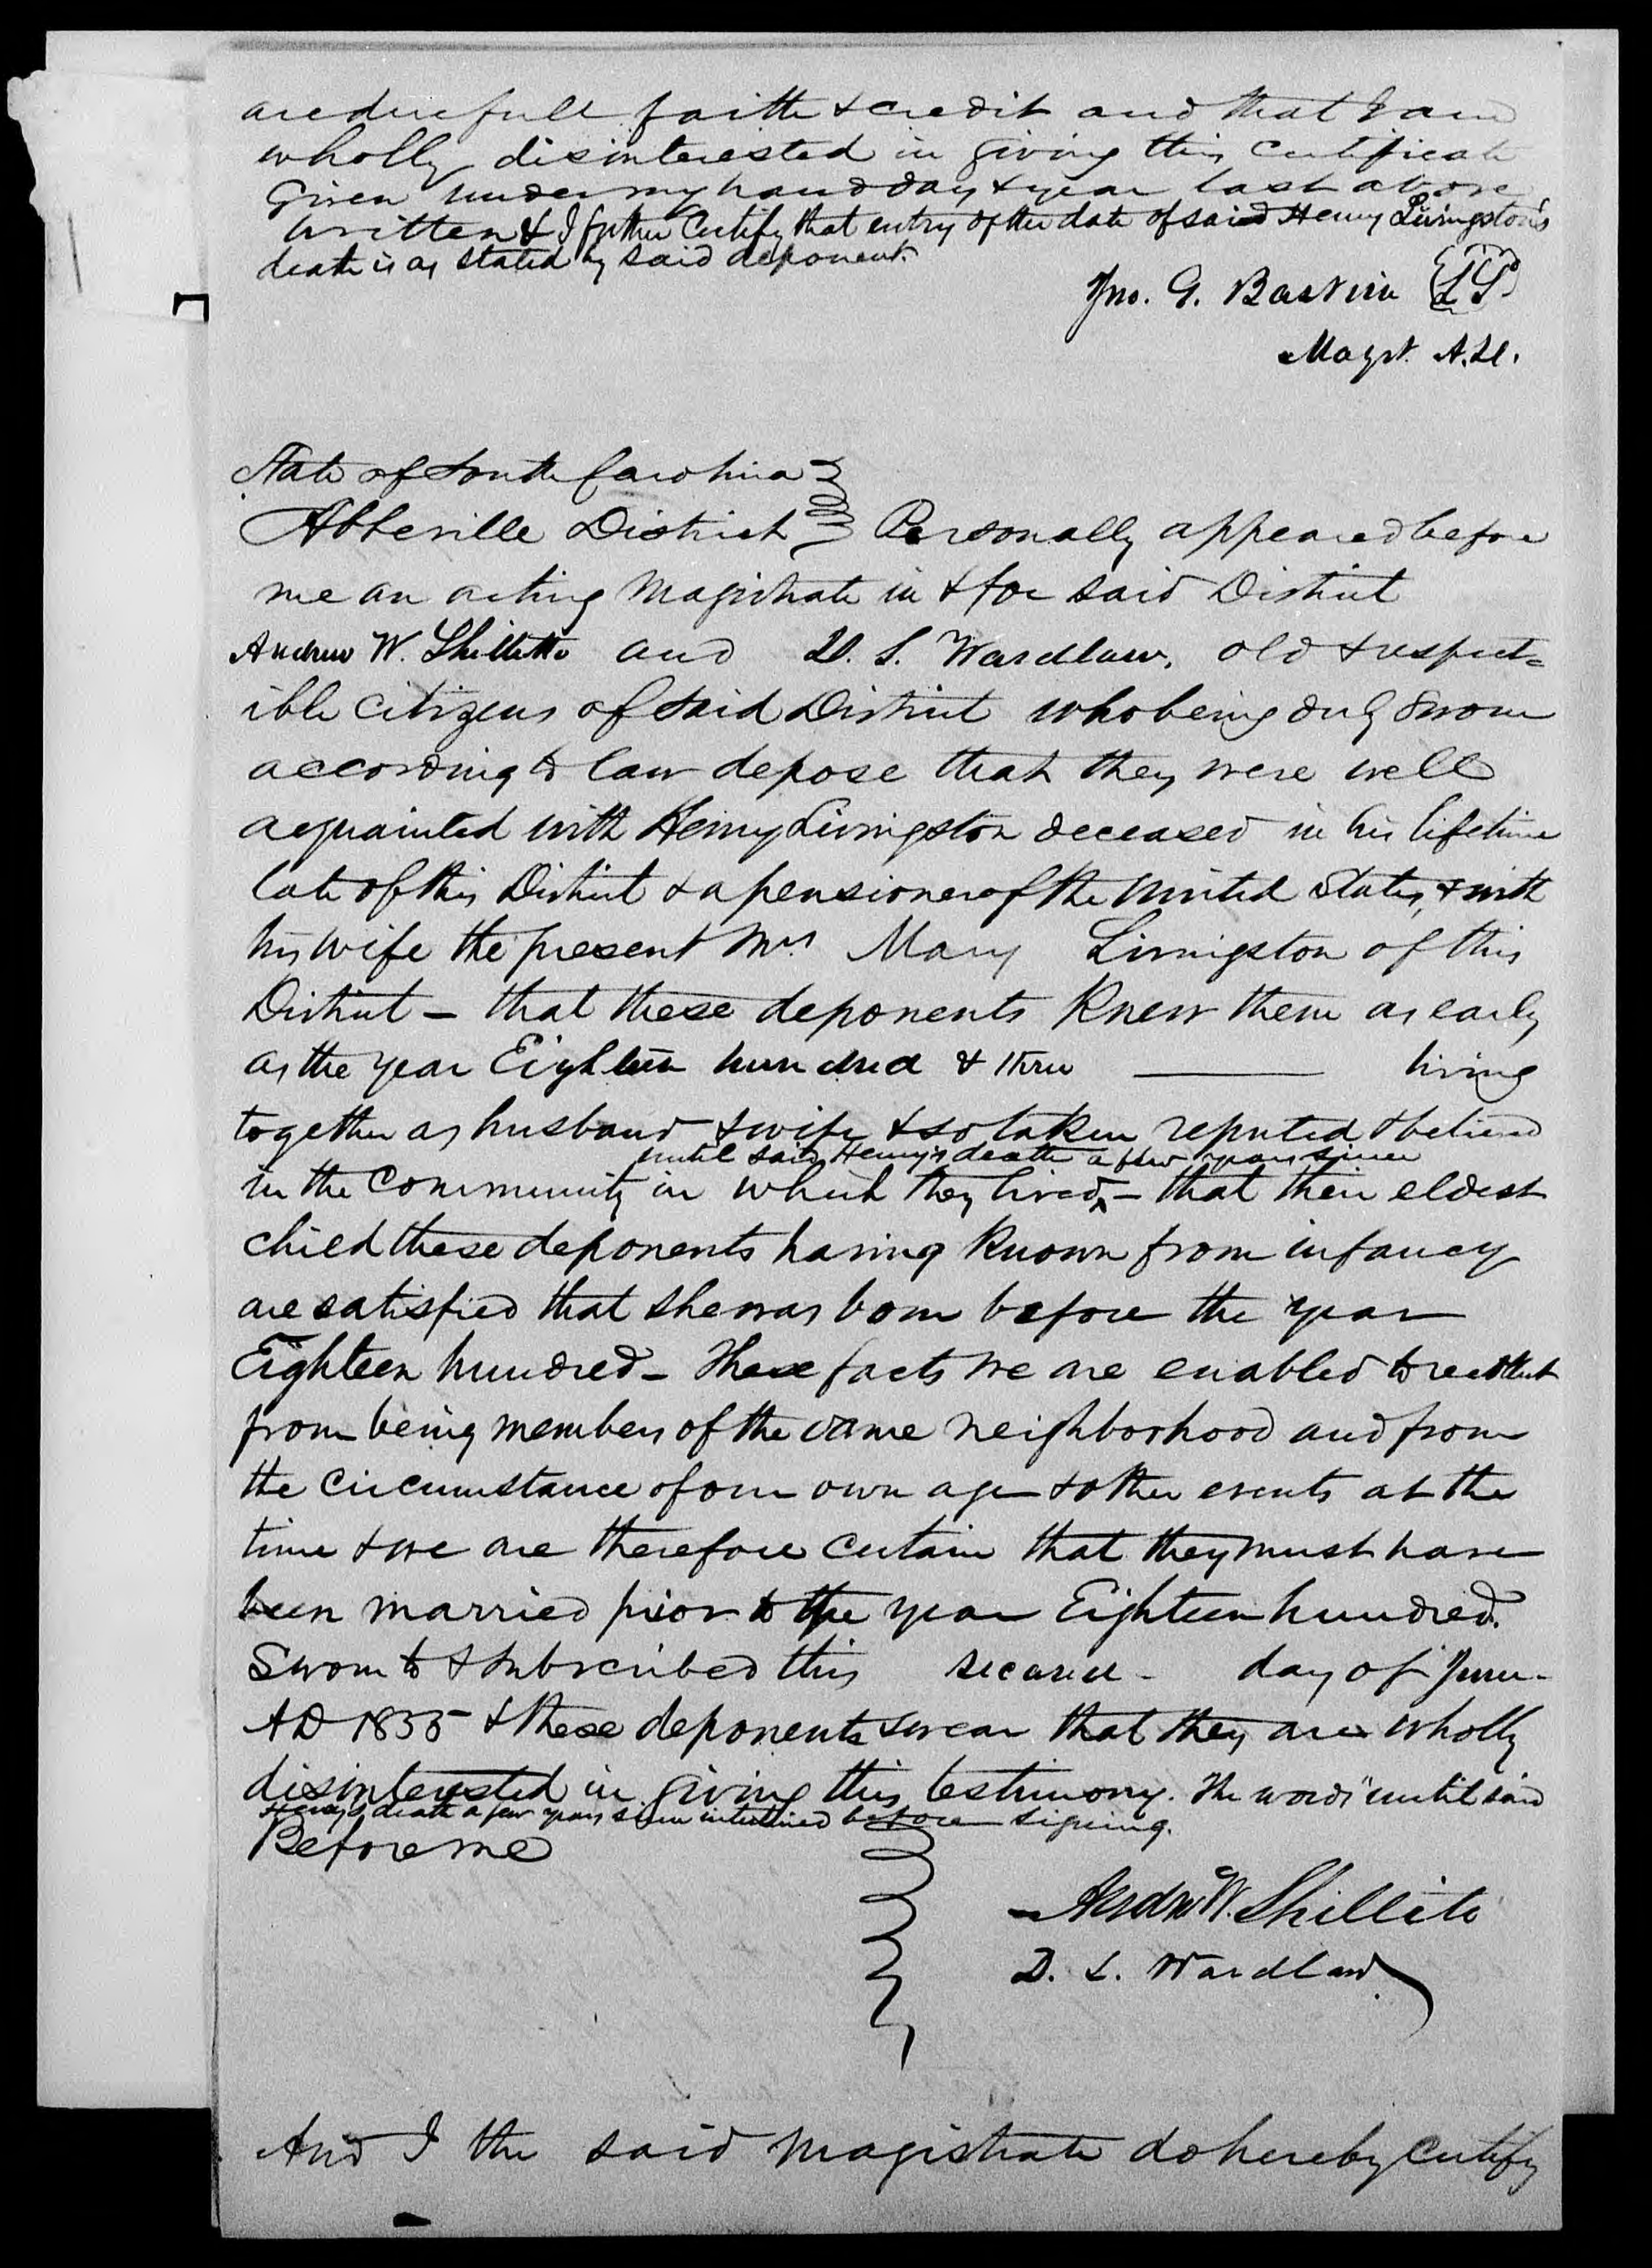are due full faith & credit and that I am wholly disinterested in giving this certificate
Given under my hand day & year last above written & I further certify that entry of the date of said Henry Livingston's death is as stated by said deponent

Jno. G. Baskin {LG}
[indistinct]

State of South Carolina
Abbeville District ⎬

Personally appeared before me an acting Magistrate in & for said District Andrew W. Shillett and D.S. Wardlaw, old & respectible citizens of said District who being duly sworn according to law depose that they were well acquainted with Henry Livingston deceased in his lifetime
late of this District & a pensioner of the United States, & with his wife the present Mrs. Mary Livingston of this
District, that these deponent knew them as early as the year Eighteen hundred & three - living together as husband & wife & so taken reputed & believed in the community in which they lived until said Henry's death a few years since - that their eldest child these deponents having known from infancy are satisfied that she was born before the year Eighteen hundred. These facts we are enabled to [indistinct] from being members of the same neighborhood and from the circumstance of our own age & other events at the time & we are therefore certain that they must have been married prior to the year Eighteen hundred.
Sworn to & subscribed this second day of June
AD 1855 & these deponent swear that they are wholly
disinterested in giving this testimony. The word "until said
death a few years since interlined before signing.

Before me⎬
Andrew W. Shillito
D.S. Wardlaw

And I the said Magistrate do hereby certify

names: Andrew W Shilletto; D S Wardlaw; Mary Livingston; Henry Livingston; Jno G Baskin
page: 11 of 63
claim: widow's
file: W. 8,049, for Henry Livingston, North Carolina